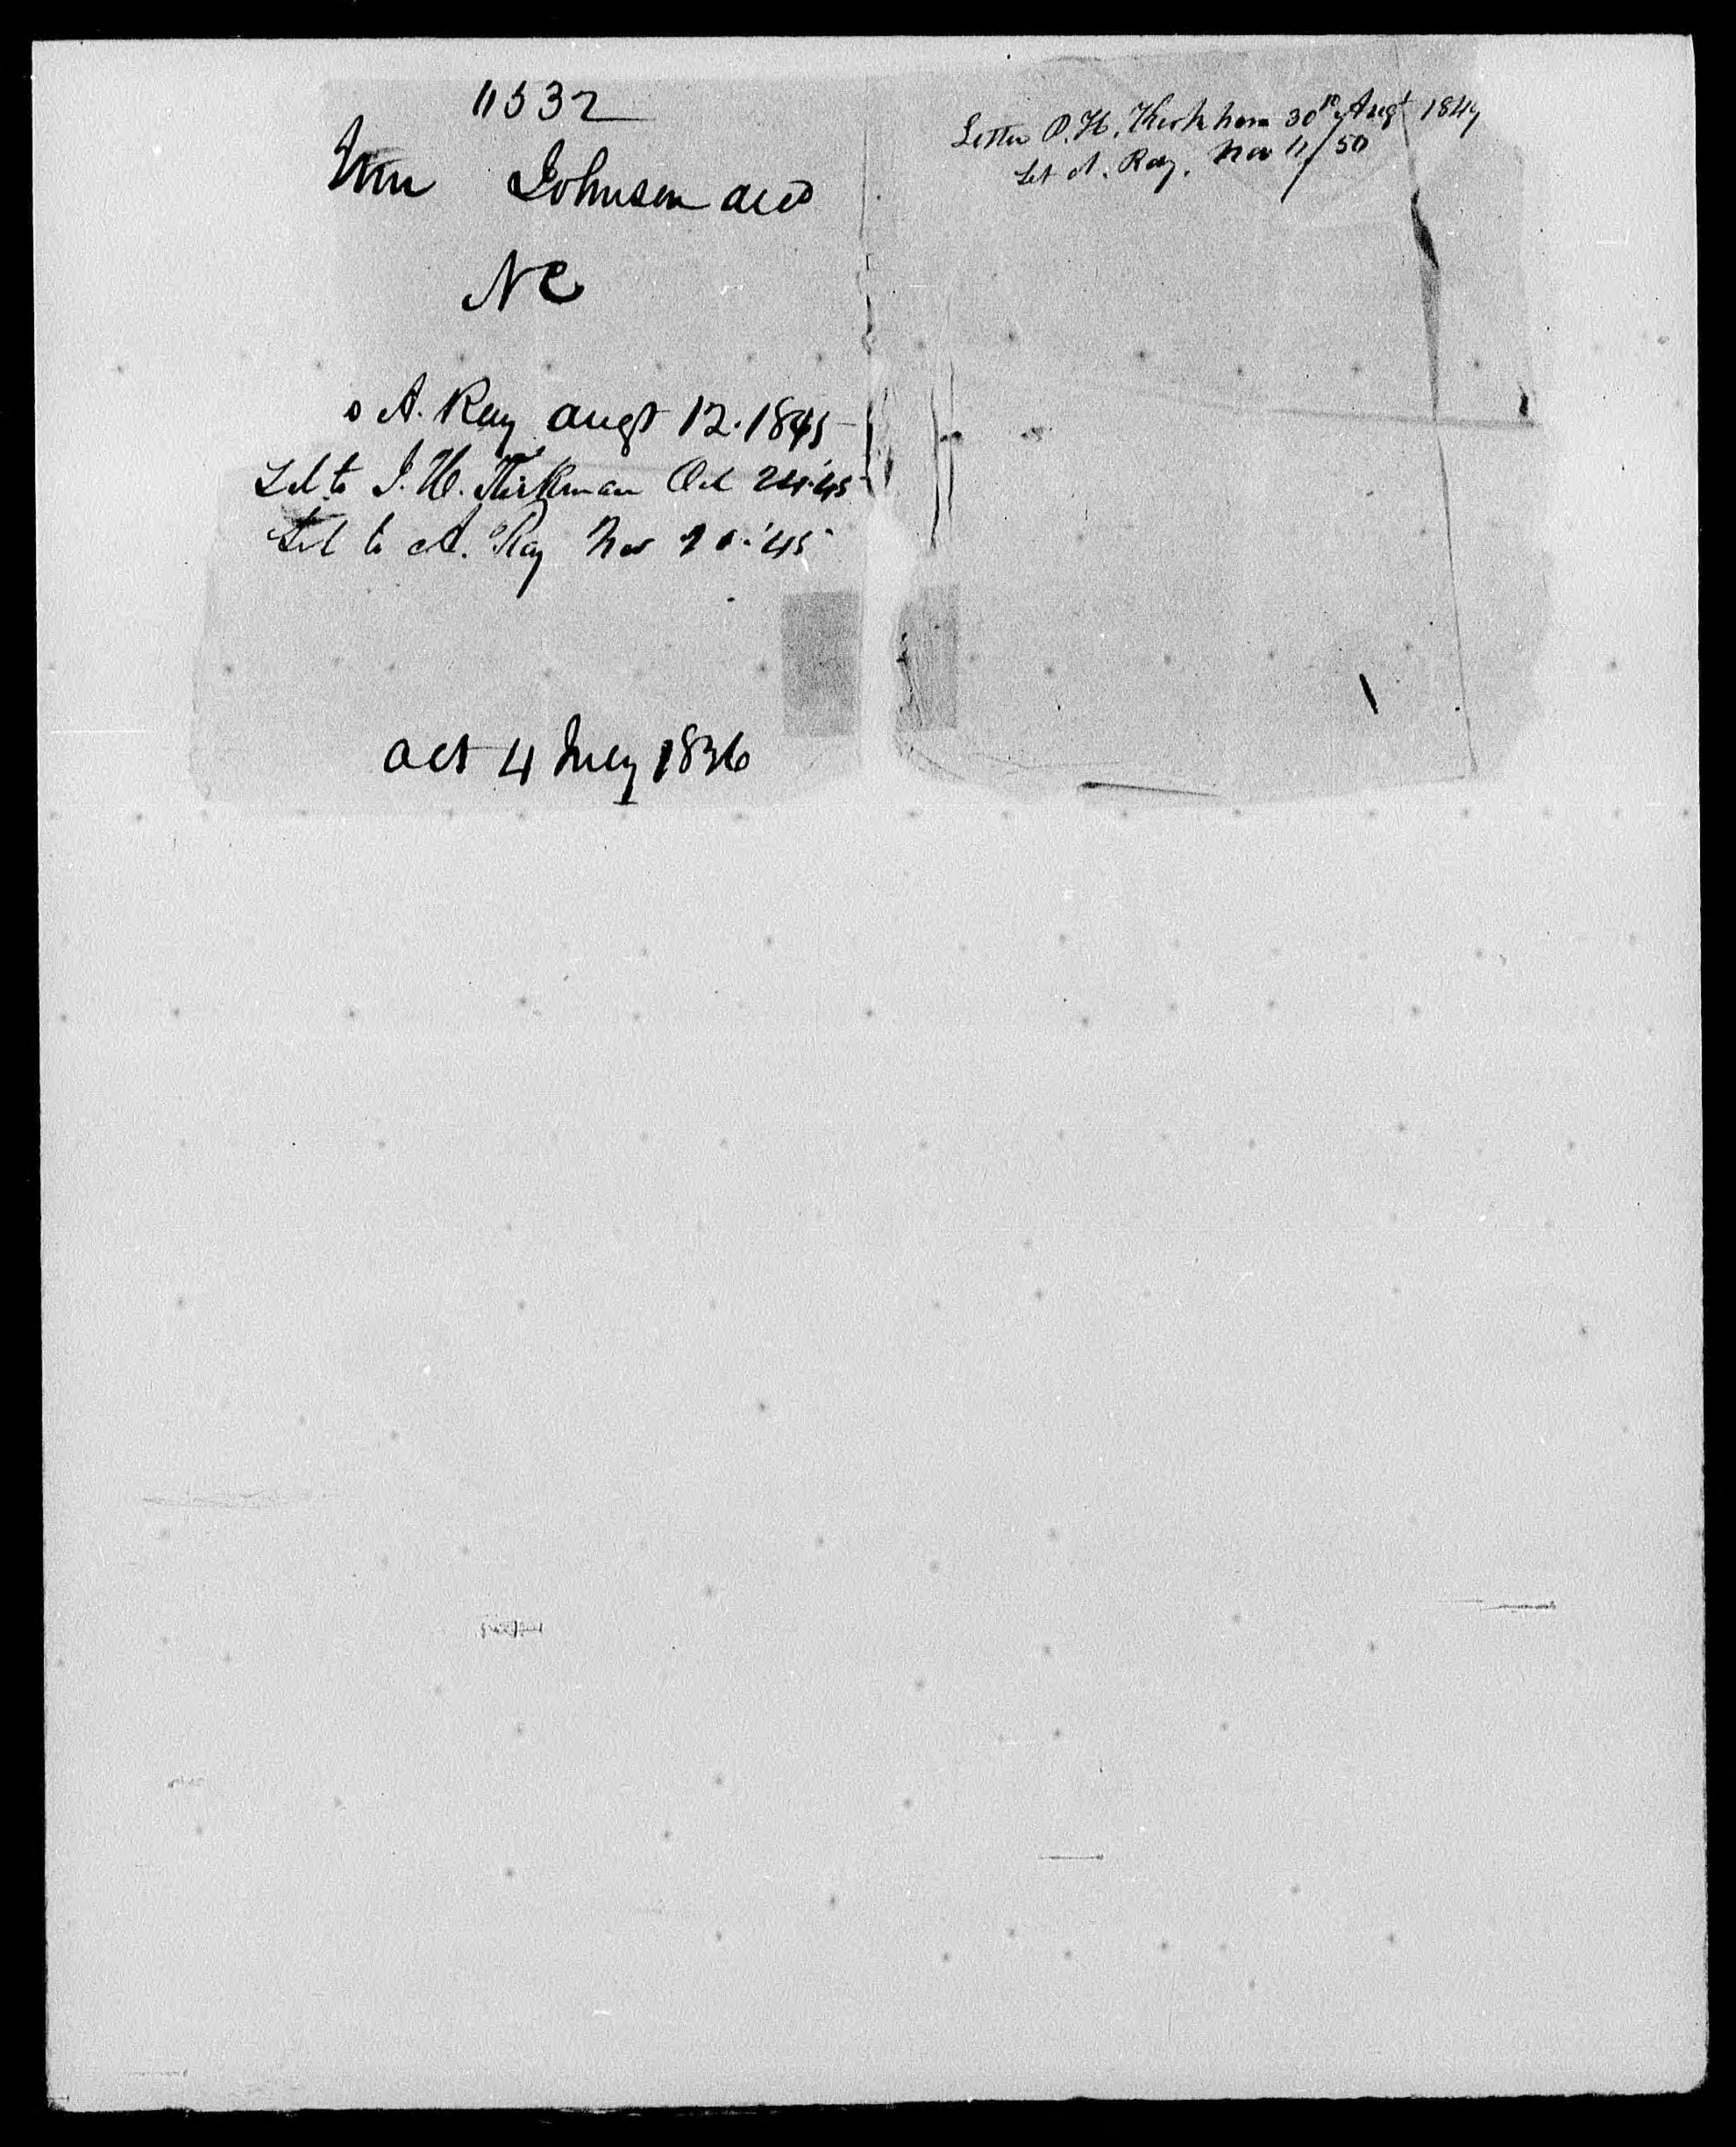11532
Ann Johnson dead 
N.C.
[Missing text] A. Ray August 12, 1845
Letter to J. H. Kirkham October 24, 1845
Letter to A. Ray November 26, 1845
Act 4 July 1836
Letter to P. H. Kirkham 30th August 1847
Letter to A. Ray November 11, 1850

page: 19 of 74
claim: rejected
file: R. 5600, for Abel Johnson, North Carolina